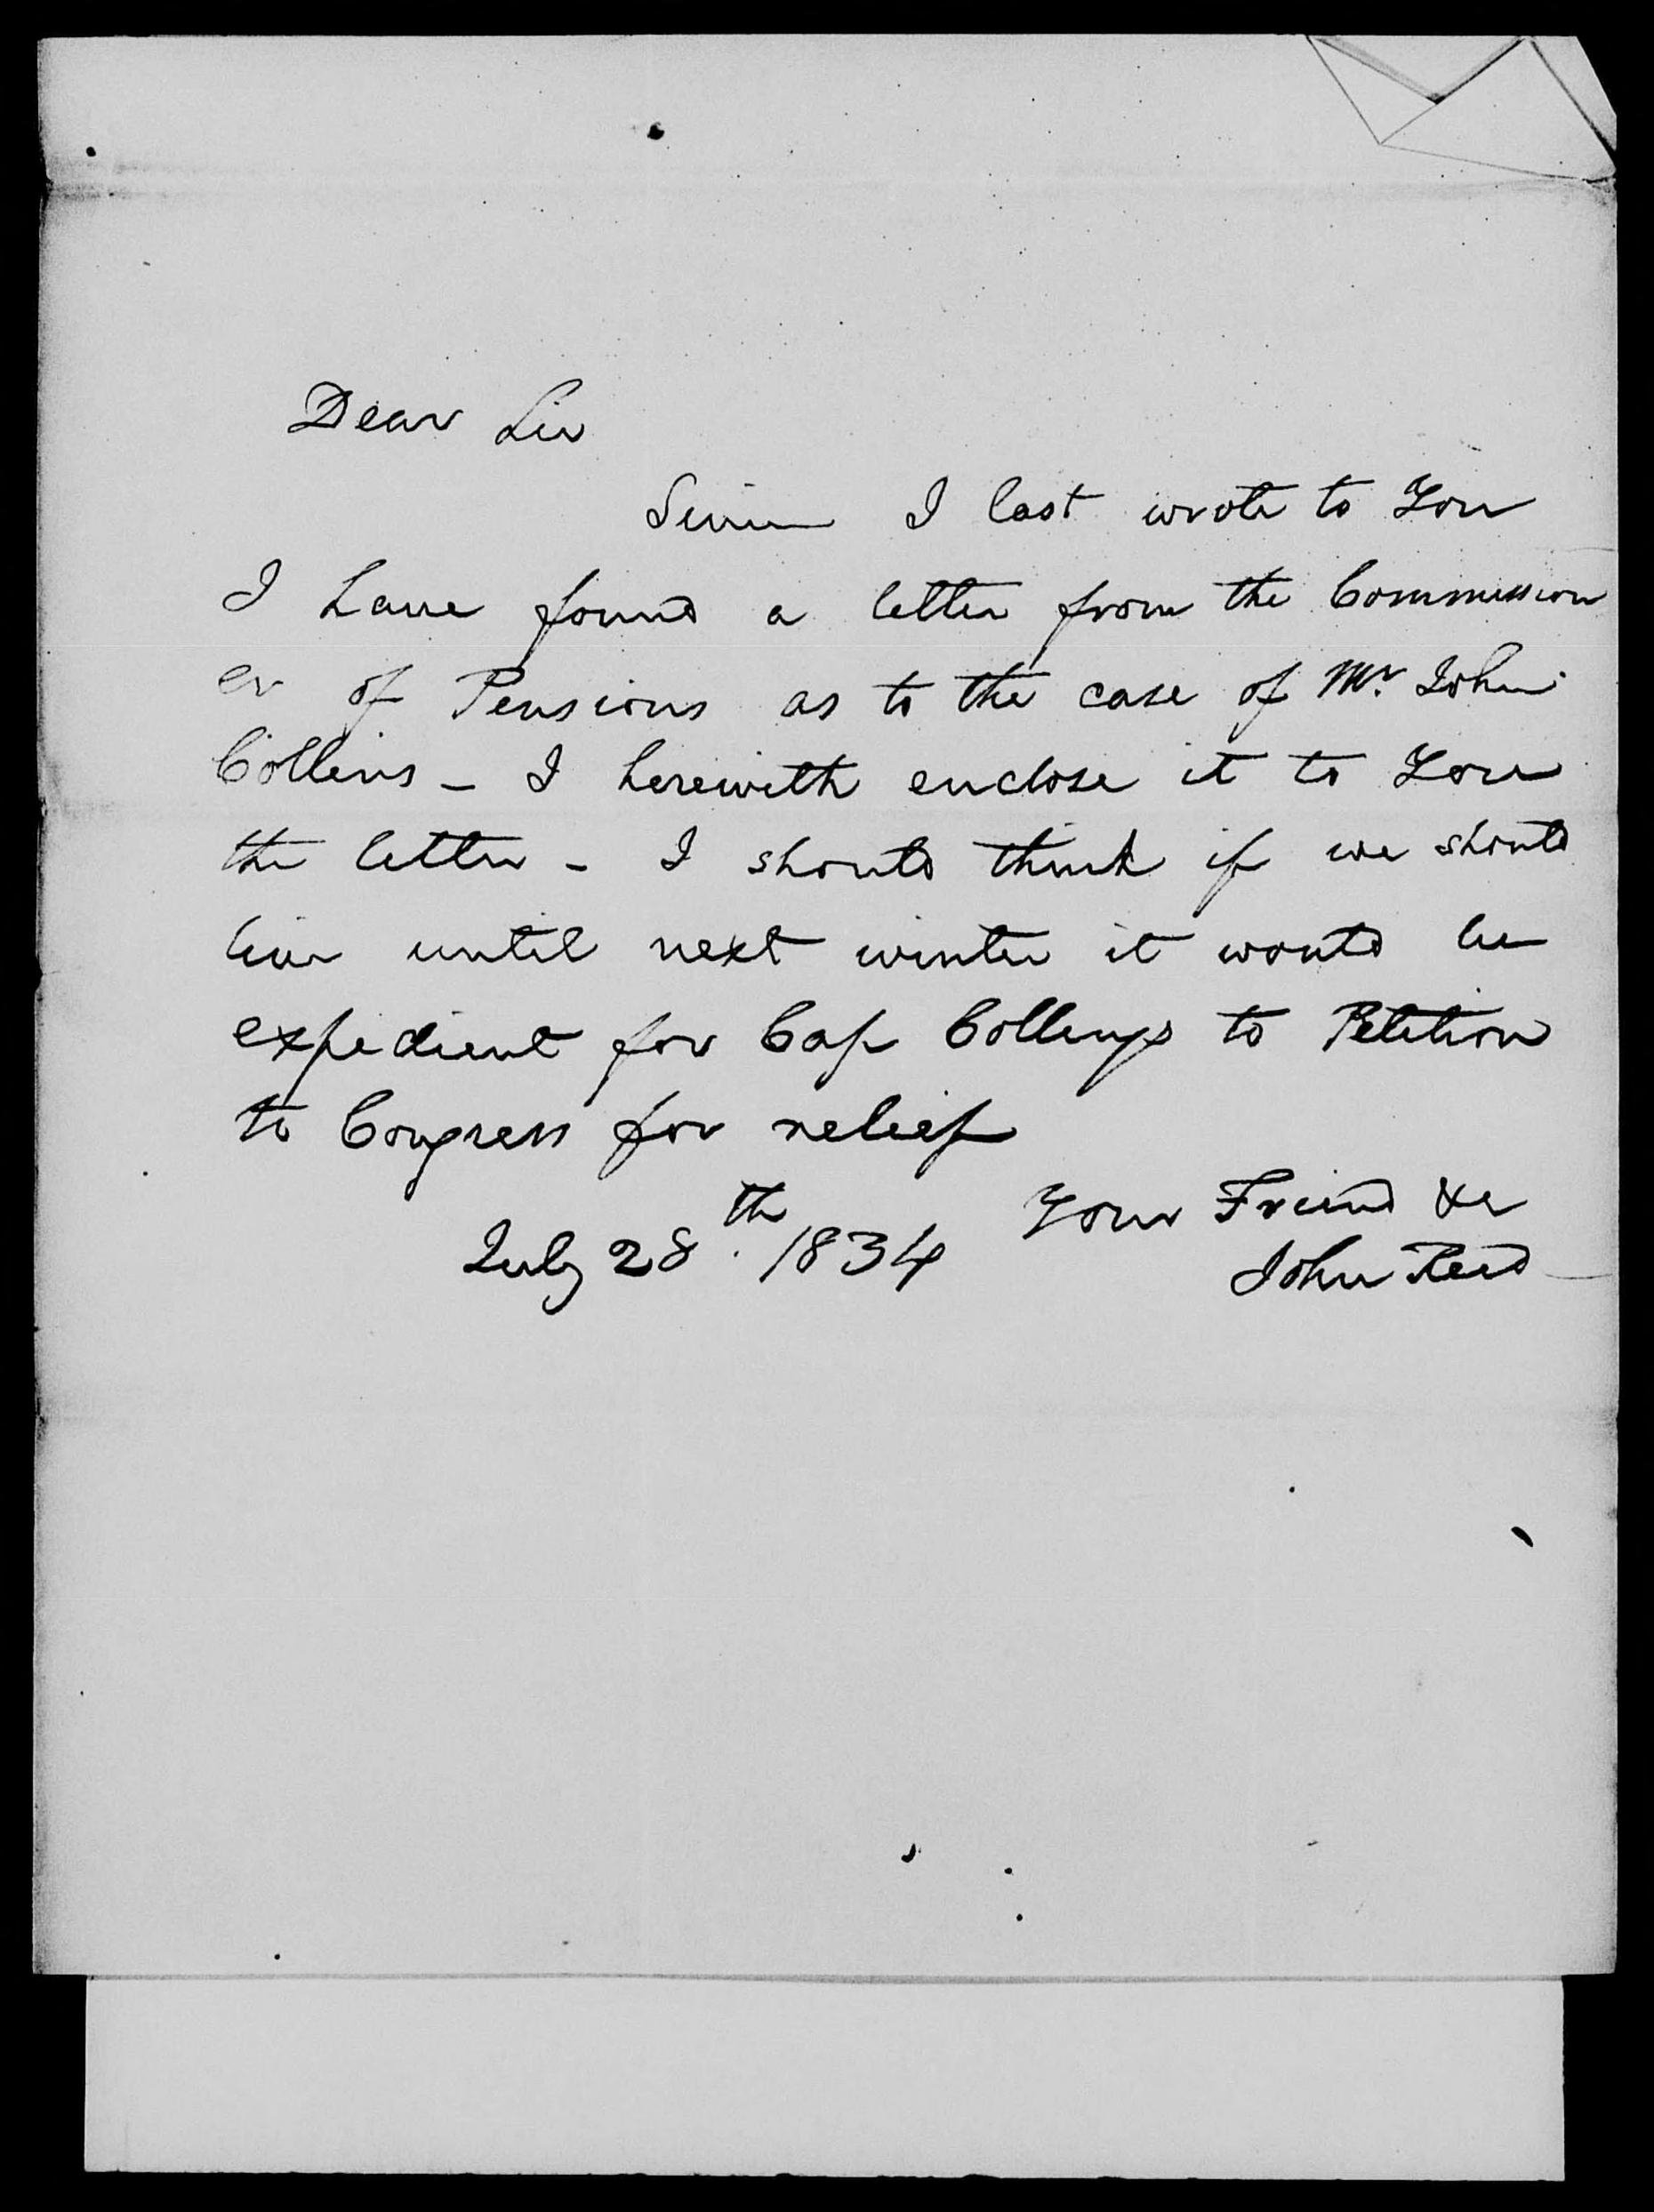Dear Sir 

Since I last wrote to you I have found a letter from the Commission er of Pensions as to the case of Mr John Collins. I herewith enclose it to you the letter-- I should think if we should live until next winter it would be expedient for Cap Collings to Petition to Congress for relief 

July 28. 1834 
Your Friend &c
John Read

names: John Collins, John Reed, Collins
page: 32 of 43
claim: survivor's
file: S. 29,732, John Collins, Mass. Navy